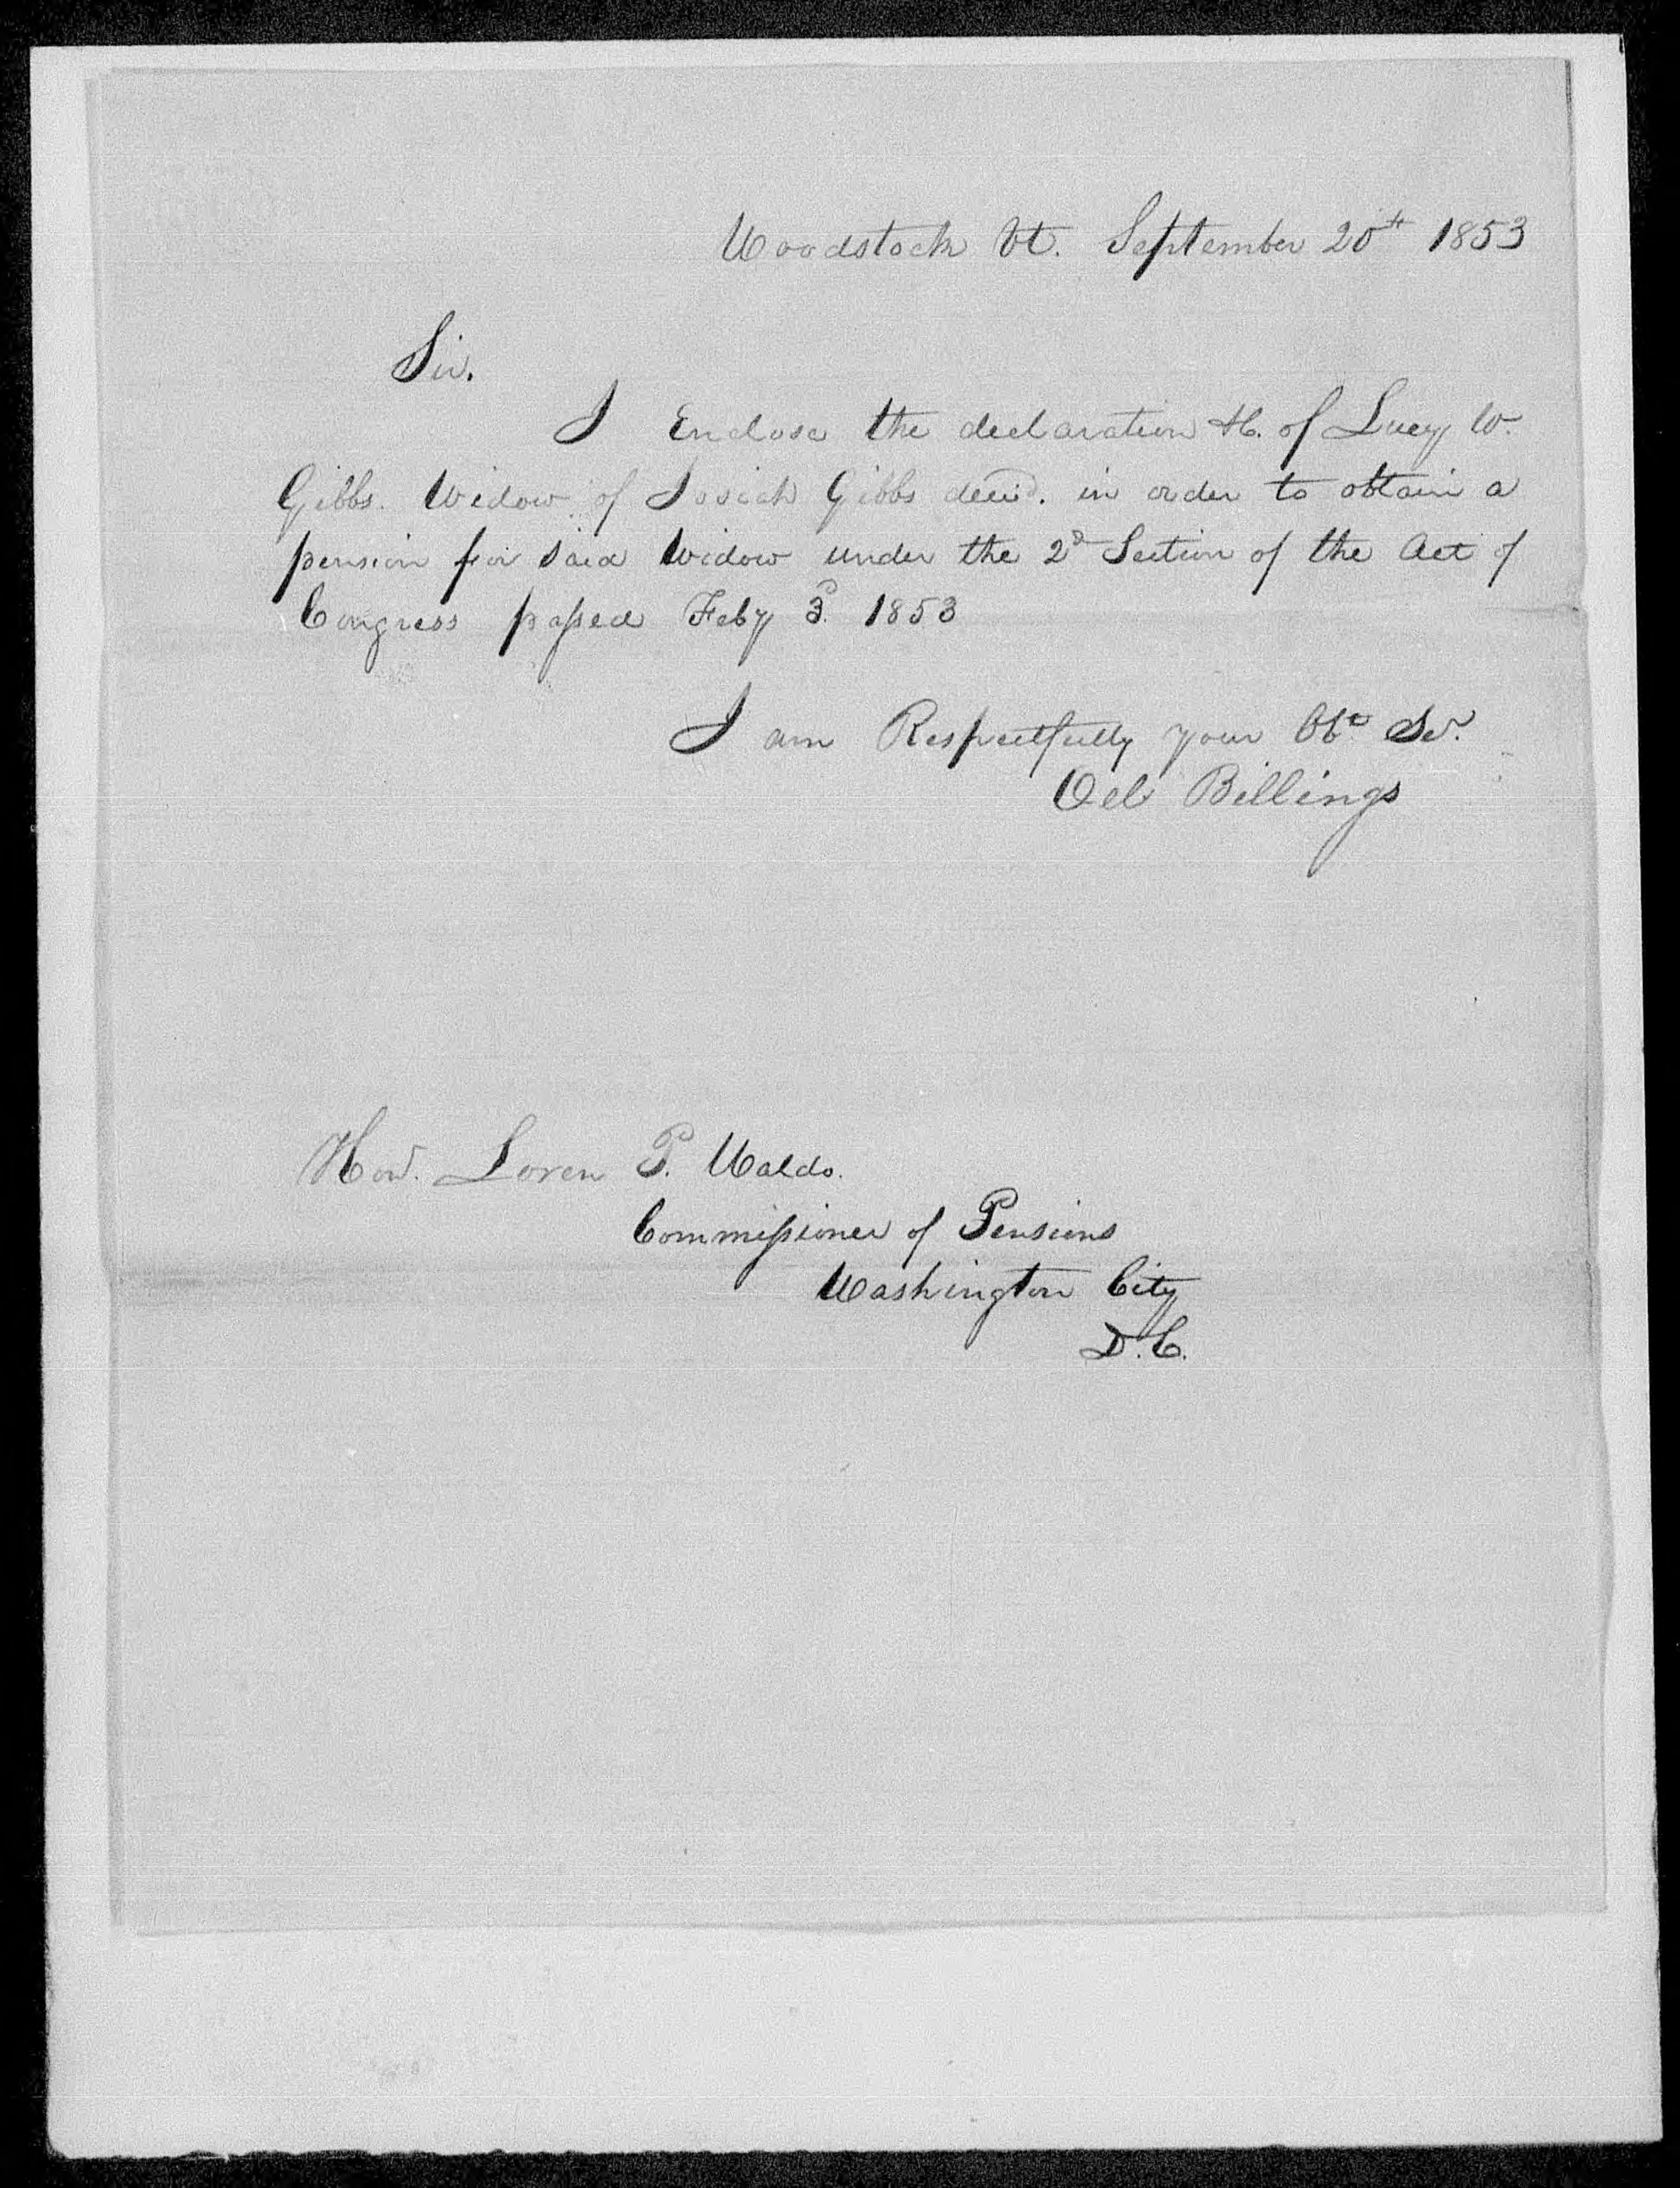Woodstock Vt. September 20th 1853
Sir,
I enclose the declaration & of Lucy W. Gibbs Widow of Josiah Gibbs dec'd in order to obtain a pension for said widow under the 2d Section of the Act of Congress passed Feby 3 1853

I am Respectfully your Obt Ser.
Oel Billings

Hon. Loren P. Waldo
Commissioner of Pensions
Washington City
D.C.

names: Josiah Gibbs, Lucy W Gibbs, Oel Billings, Loren P Waldo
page: 26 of 33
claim: widow's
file: W. 4681, Josiah Gibbs, Mass